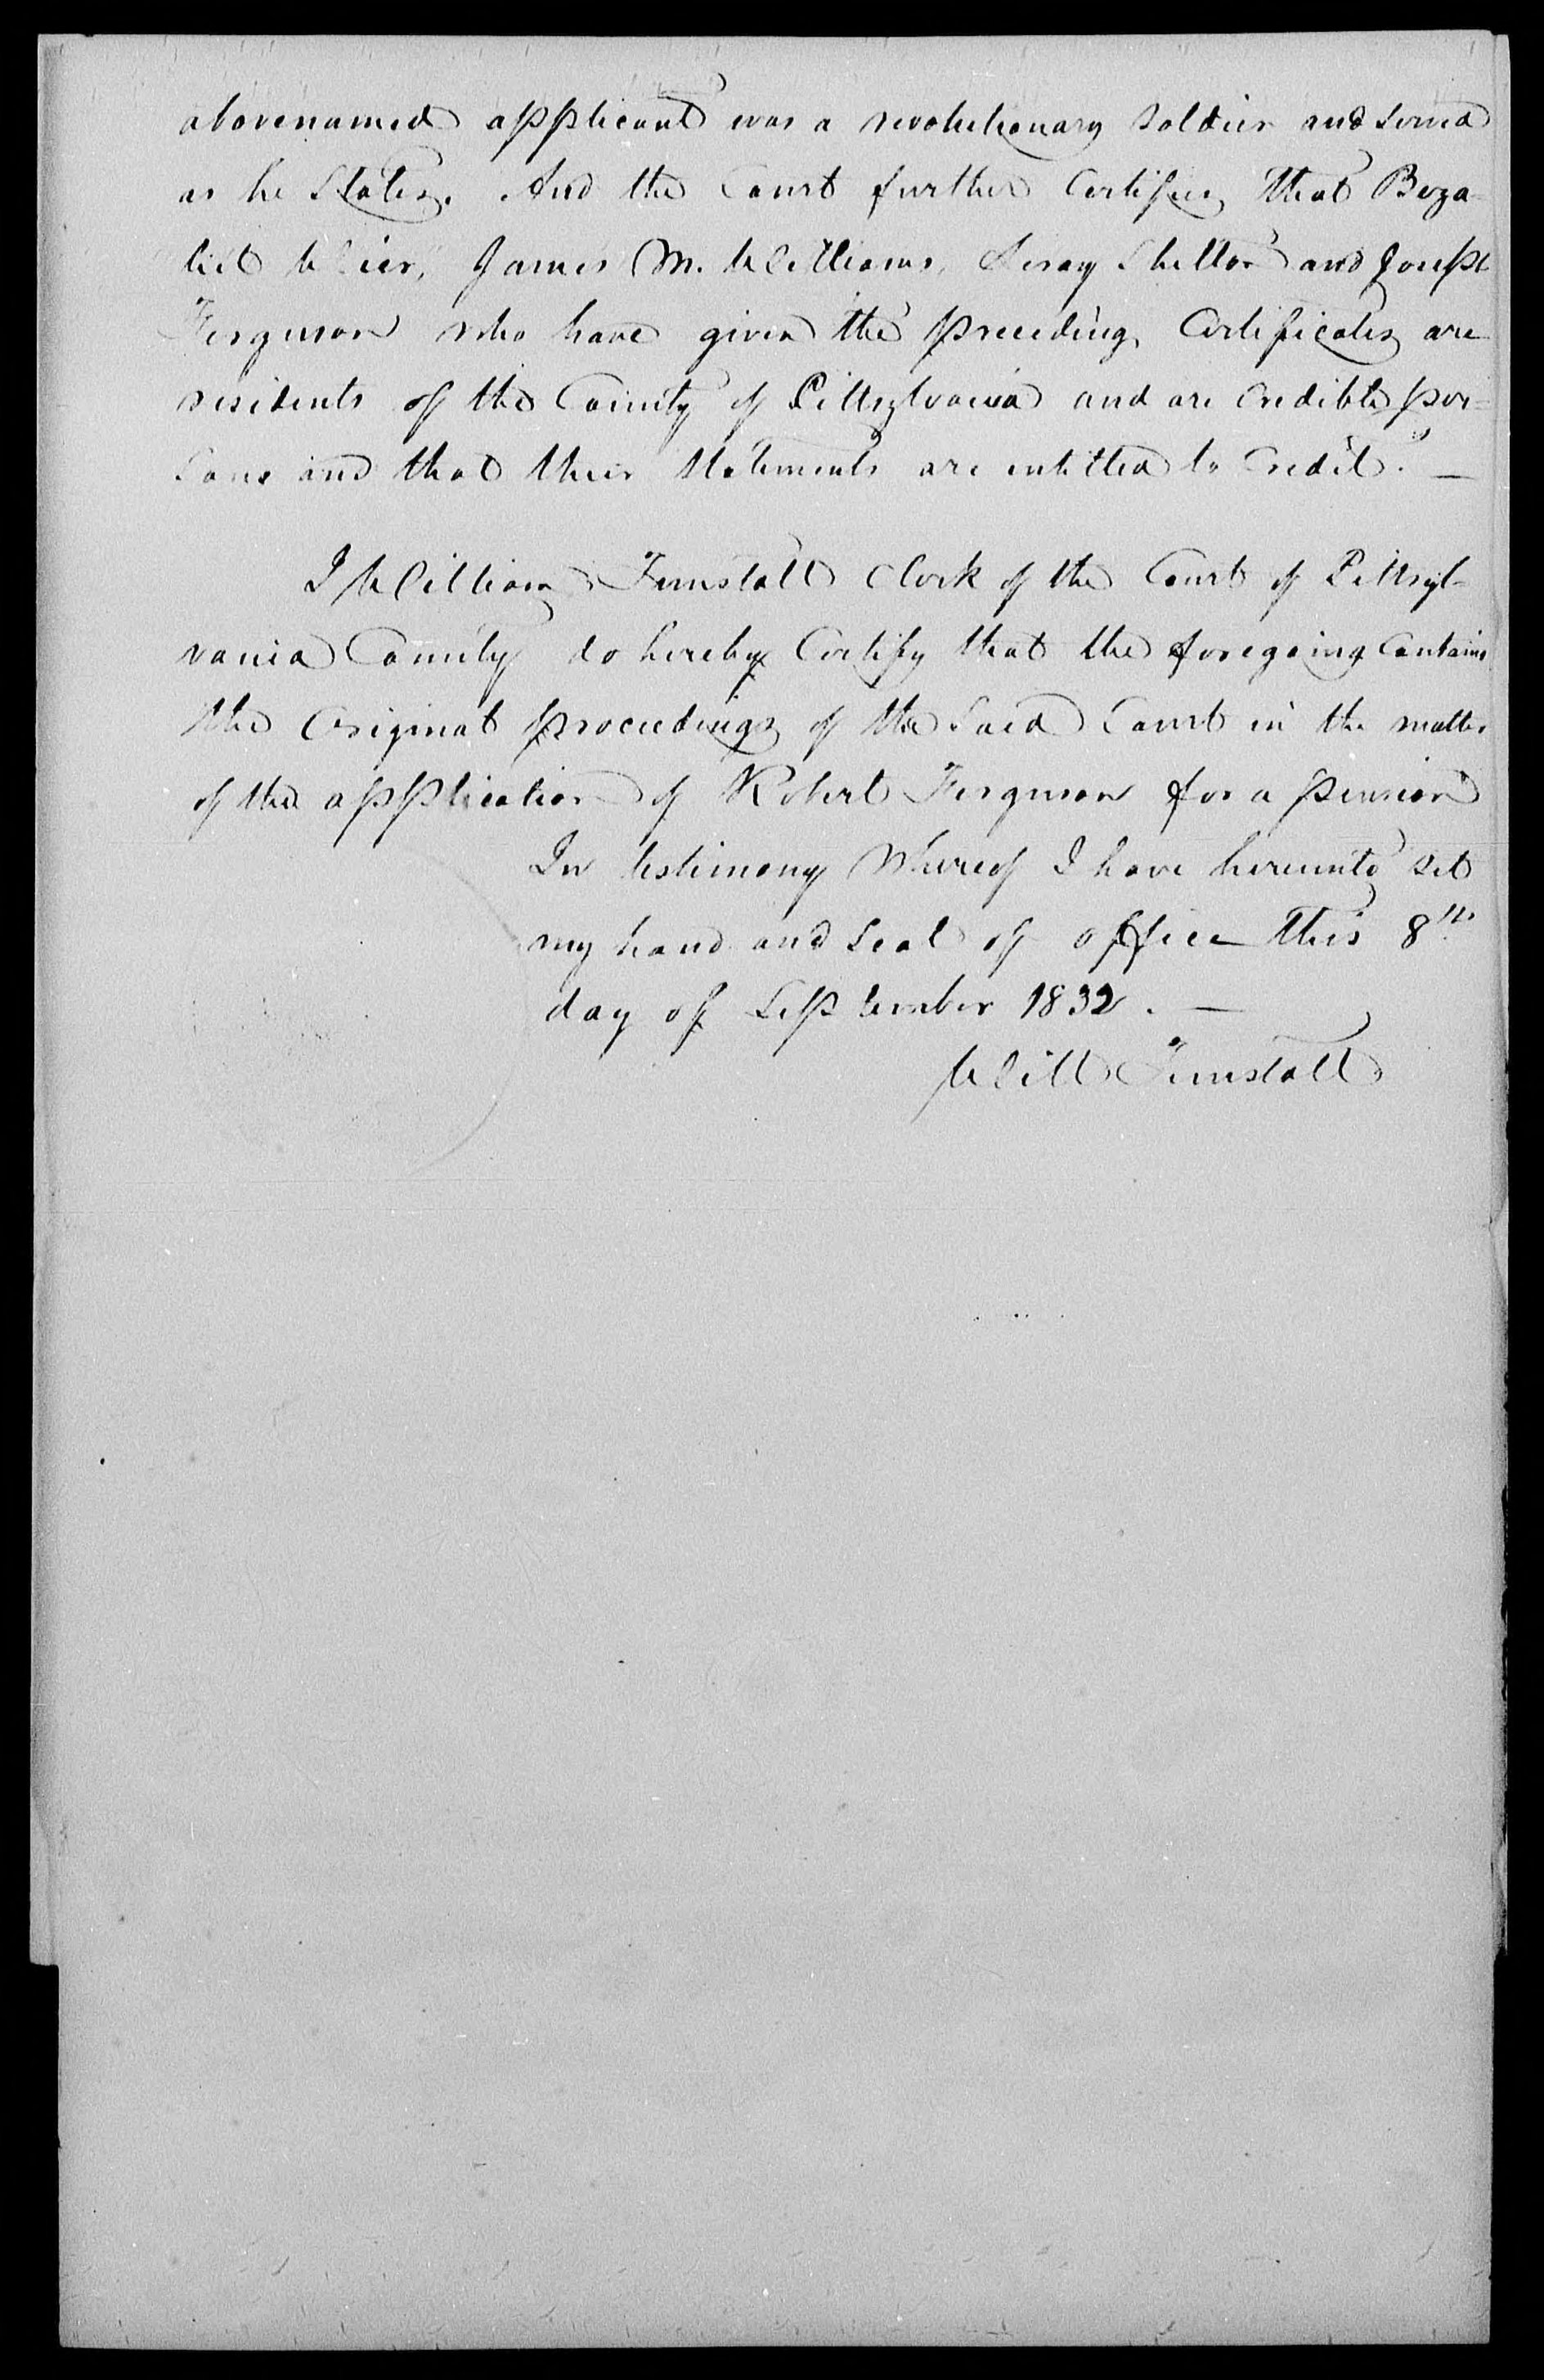abovenamed [above named] applicant was a revolutionary soldier and served
as he states. And the Court further certifies that Bazalie Wier, James M. Williams, Leroy Shelton and Joseph
Ferguson who have given the preceding certificates are 
residents of the County of Pittsylvania and are credible persons
and that their elements are entitled to credit
---
I William Tunstall Clerk of the Court of Pittsylvania County do hereby certify that the foregoing contains
the Original proceedings of the said Court in the matter
of the application of Robert Ferguson for a pension
In testimony whereof I have hereunto set 
my hand and seal of office this 8th
day of September 1832
---
Will Tunstall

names: Joseph Ferguson, William Tunstall, James M Williams, Will Tunstall, Robert Ferguson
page: 20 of 81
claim: widow's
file: W. 7262, Robert Ferguson, Va.